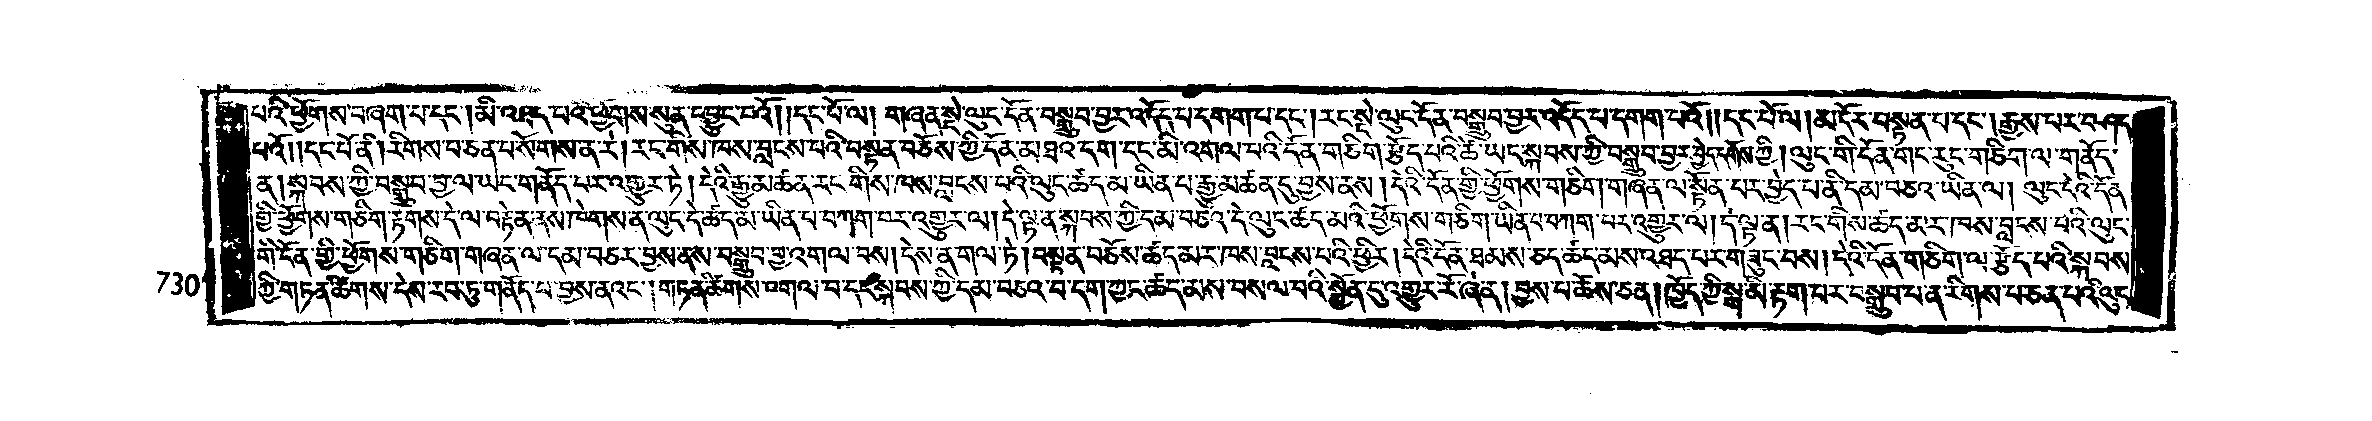པའི་ཕྱོགས་བཞག་པ་དང་། མི་འཐད་པའི་ཕྱོགས་སུན་དབྱུང་བའོ། །དང་པོ་ལ། གཞན་སྡེ་ལུང་དོན་བསྒྲུབ་བྱར་འདོད་པ་དགག་པ་དང་། རང་སྡེ་ལུང་དོན་བསྒྲུབ་བྱར་འདོད་པ་དགག་པའོ། །དང་པོ་ལ། མདོར་བསྟན་པ་དང་། རྒྱས་པར་བཤད་
པའོ། །དང་པོ་ནི། རིགས་པ་ཅན་པ་སེགས་ན་རེ། རང་གིས་ཁས་བླངས་པའི་བསྟན་བཅོས་ཀྱི་དོན་མཐའ་དག་དང་མི་འགལ་པའི་དོན་གཅིག་རྩོད་པའི་ཚེ་ཡང་སྐབས་ཀྱི་བསྒྲུབ་བྱར་བྱེད་དགོས་ཀྱི། ལུང་གི་དོན་གང་རུང་གཅིག་ལ་གནོད་
ན། སྐབས་ཀྱི་བསྒྲུབ་བྱ་ལ་ཡང་གནོད་པར་འགྱུར་ཏེ། དེའི་རྒྱུ་མཚན་རང་གིས་ཁས་བླངས་པའི་ལུང་ཚད་མ་ཡིན་པ་རྒྱུ་མཚན་དུ་བྱས་ནས། དེའི་དོན་གྱི་ཕྱོགས་གཅིག་གཞན་ལ་སྟོན་པར་བྱེད་པ་ནི་དམ་བཙའ་ཡིན་ལ། ལུང་དེའི་དོན་
གྱི་ཕྱོགས་གཅིག་རྟགས་དེ་ལ་བརྟེན་ནས་ཁེགས་ན་ལུང་དེ་ཚད་མ་ཡིན་པ་བཀག་བར་འགྱུར་ལ། དེ་ལྟ་ན་སྐབས་ཀྱི་དམ་བཅའ་དེ་ལུང་ཚད་མའི་ཕྱོགས་གཅིག་ཡིན་པ་བཀག་པར་འགྱུར་ལ། དེ་ལྟ་ན། རང་གིས་ཚད་མར་ཁས་བླངས་པའི་ལུང་
གི་ངོན་གྱི་ཕྱོགས་གཅིག་གཞན་ལ་དམ་བཅར་བྱས་ནས་བསྒྲུབ་བྱ་འགལ་བས། དེས་ན་གལ་ཏེ། བསྟན་བཅོས་ཚད་མར་ཁས་བླངས་པའི་ཕྱིར། དེའི་དོན་ཐམས་ཅད་ཚད་མས་འཐད་པར་གཟུང་བས། དེའི་དོན་གཅིག་ལ་རྩོད་པའི་སྐབས་
ཀྱིས་གཏན་ཚིགས་དེས་རབ་ཏུ་གནོད་པ་བྱས་ནའང་། གཏན་ཚིགས་འགལ་བ་དང་སྐབས་ཀྱི་དམ་བཅའ་བ་དག་ཀྱང་ཚད་མས་བསལ་བའི་སྐྱོན་དུ་འགྱུར་རོ་ཞེ་ན། བྱས་པ་ཆོས་ཅན། ཁྱོད་ཀྱི་སྒ་མི་རྟག་པར་བསྒྲུབ་པ་ན་རིགས་པ་ཅན་པའི་ལུང་